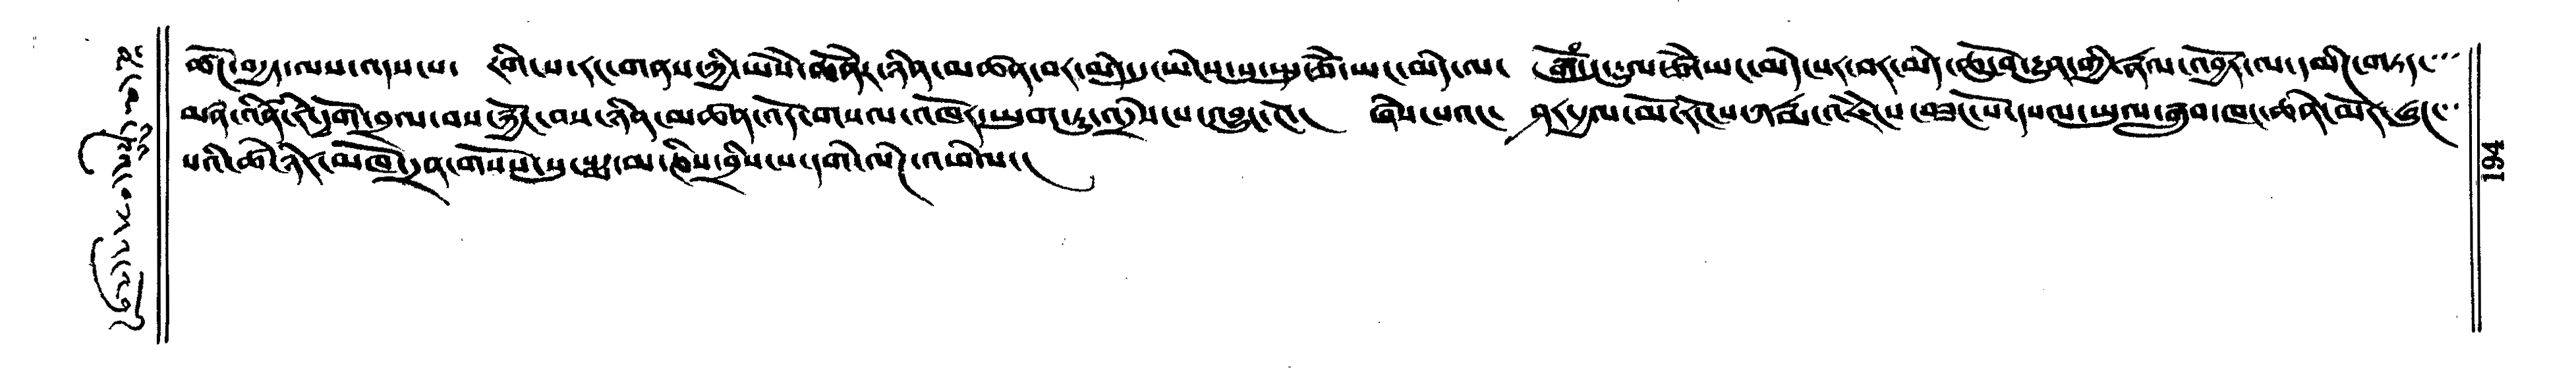ཚོགས་བརྒྱད་ལས་འདས་པ། རིག་པ་རང་གནས་ཀྱི་ཡེ་ཤེས་ཆེན་པོར་ཉིན་མཚན་བར་མེད་དུ་ཡེངས་སུ་སྤུ་ཙམ་ཡང་མེད་ལ། སྒོམ་དུ་རྡུལ་ཙམ་ཡང་མེད་པར་བར་མེད་ཆུ་བོ་རྒྱུན་གྱི་རྣལ་འབྱོར་ལ་དམིགས་གཏད་
མཚན་འཛིན་རེ་དྭོགས་བྲལ་བས་སྐྱོང་བས་ཉིན་མཚན་འོད་གསལ་འཁོར་ཡུག་ཏུ་འདྲིས་པ་འབྱུང་ངོ།། ཞེས་པའང་ཤར་རྒྱལ་མོ་རོང་པ་ཀརྨ་འཇམ་དབྱངས་བཟང་པོ་དཔལ་ཡུལ་སྒྲུབ་ཁང་ཆེན་མོར་ཞུགས་
པའི་ཚེ་ཉེར་མཁོ་དྲན་གསོས་སུ་པདྨ་མ་ཎིས་བྲིས་པ་དགེ་ལེགས་འཕེལ།། བཀྲ་ཤིས།།